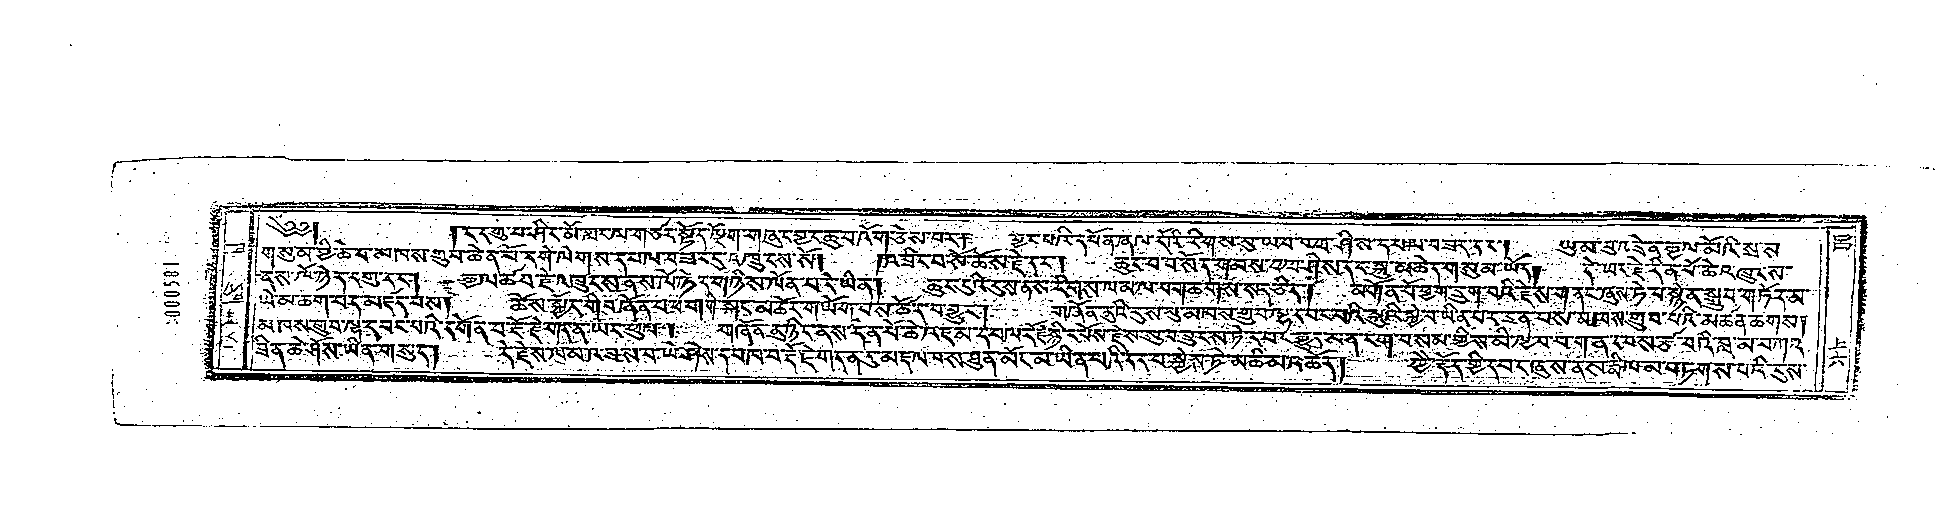༄༅། །ང་དགུ་བ་ཤིང་མ་གླང་ལ་གཙང་སྟོད་ལྡོག་གཞུང་བྱང་ཆུབ་འོག་ཅེས་པར། བྱང་པའི་དཔོན་ཞལ་དེའི་རིགས་སུ་ཡབ་བཀྲ་ཤིས་དཔལ་བཟང་དང་། ཡུམ་བུ་འདྲེན་རྒྱལ་མོའི་སྲས་
གསུམ་གྱི་ཆེ་བ་མཁས་གྲུབ་ཆེན་པོ་དགེ་ལེགས་དཔལ་བཟང་དུ་འཁྲུངས་སོ། །འབྲིང་བ་སོ་ཆོས་རྗེ་དང་། ཆུང་བ་བསོད་གམས་བཀྲ་ཤིས་དང་སྐུ་མཆེད་གསུམ་ཡོད། དེ་ཡང་རྗེ་རིན་པོ་ཆེ་འཁྲུངས་
ནས་ལོ་ཉེར་དགུ་དང་། རྒྱལ་ཚབ་རྗེ་འཁྲུངས་ནས་ལོ་ཉེར་གཉིས་ལོན་པ་དེ་ཡིན། ཆུང་ངུའི་དུས་ནས་རིགས་ལམ་ལ་བག་ཆགས་སད་ཅིང་། མགོན་པོ་ཕྱག་དྲུག་པའི་རྗེས་གནང་ཞུས་ཏེ་བསྙན་སྒྲུབ་གཏོར་མ་
ཡེ་མ་ཆག་བར་མཛད་པས། ཆོས་སྐྱོང་གི་བཞོན་པ་ཕག་གི་སྐང་མཆོད་གཡོག་པས་ཚོར་བ་བྱུང་། གཞོན་ནུའི་དུས་སུ་མཁས་གྲུབ་ལྷ་དབང་པའི་སྐུའི་སྐྱེ་བ་ཡིན་པར་དྲན་པས་མཁས་གྲུབ་པའི་མཚན་ཆགས།
མཁས་གྲུབ་ལྷ་དབང་པའི་དགོན་བ་རྡོ་རྗེ་གདན་ཡང་ཕུལ། གཞོན་ནུ་ཉིད་ནས་རིན་པོ་ཆེ་འཇམ་དཔལ་རྡོ་རྗེ་སྙིང་པོས་རྗེས་སུ་བཟུངས་ཏེ་དབང་རྒྱུད་མན་ངག་བསམ་གྱིས་མི་ཁྱབ་བ་གནང་བས་རྩ་བའི་བླ་མ་བཀའ་
དྲིན་ཆེ་ཤོས་ཡིན་གསུང་། དེ་རྗེས་ལམ་འབྲས་པ་ཡེ་ཤེས་དཔལ་བ་རྡོ་རྗེ་གདན་དུ་མཇལ་བས་ཐུན་མོང་མ་ཡིན་པའི་དད་པ་སྐྱེས་ཏེ་མཆི་མ་མཆོར། ཀྱཻ་རྡོར་གྱི་དབང་ཞུས་ནས་རྨི་ལམ་བཏགས་པའི་དུས་